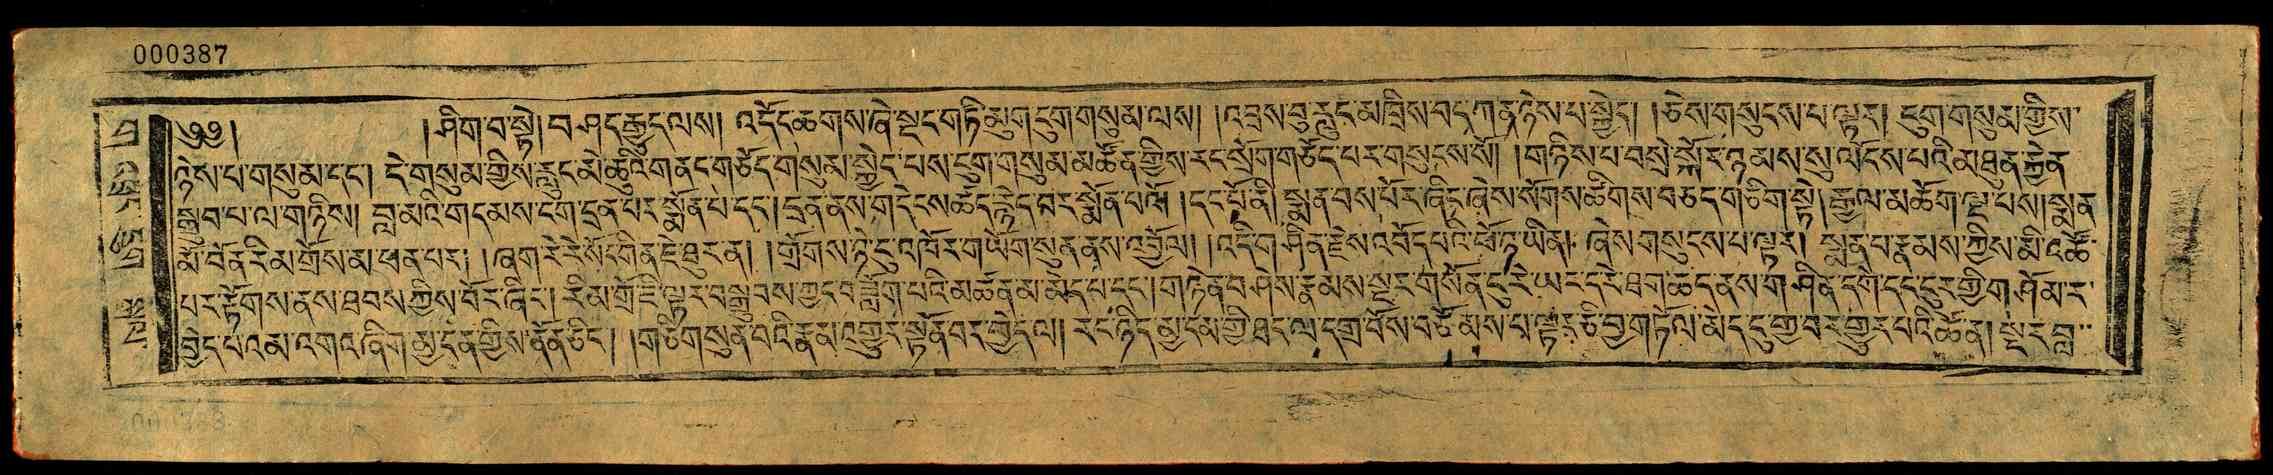༄༅། །ཤིག་པ་སྟེ། བཤད་རྒྱུད་ལས། འདོད་ཆགས་ཞེ་སྡང་གཏི་མུག་དུག་གསུམ་ལས། །འབྲས་བུ་རླུང་མཁྲིས་བད་ཀན་ཉེས་པ་སྐྱེད། །ཅེས་གསུངས་པ་ལྟར། དུག་གསུམ་གྱིས་
ཉེས་པ་གསུམ་དང་། དེ་གསུམ་གྱིས་རླུང་མེ་ཆུའི་གནད་གཅོད་གསུམ་སྐྱེད་པས་དུག་གསུམ་མཚོན་གྱིས་རང་སྲོག་གཅོད་པར་གསུངས་སོ། །གཉིས་པ་བསྲེ་སྐོར་ཉམས་སུ་ལོངས་པའི་མཐུན་རྐྱེན་
སྒྲུབ་པ་ལ་གཉིས། བླ་མའི་གདམས་ངག་དྲན་པར་སྨོན་པ་དང་། དྲན་ནས་གདེངས་ཚེད་རྙེད་པར་སྨོན་པའོ། །དང་པོ་ནི། སྨན་པས་བོར་ཞིང་ཞེས་སོགས་ཚིགས་བཅད་གཅིག་སྟེ། རྒྱལ་མཆོག་ལྔ་བས། སྨན་
མོ་བོན་རིམ་གྲོས་མ་ཕན་པར། །ཞག་རེ་རེ་སོང་གིན་ཇེ་ཐུར་ན། །གྲོགས་ཉེ་དུ་འཁོར་གཡོག་སུན་ནས་འབྱོལ། །འདི་གཤིན་རྗེས་འབོད་པའི་ཕོ་ཉ་ཡིན། ཞེས་གསུངས་པ་ལྟར། སྨན་པ་རྣམས་ཀྱིས་མི་འཚོ་
བར་རྟོགས་ནས་ཐབས་ཀྱིས་བོར་ཞིང་། རིམ་གྲོ་ཇི་ལྟར་བསྒྲུབས་ཀྱང་བཟློག་པའི་མཚན་མ་མེད་པ་དང་། གཉེན་བཤེས་རྣམས་སྔར་གསོན་དུ་རེ་ཡང་ད་རེ་ཐག་ཆད་ནས་གཤིན་དགེ་དང་ངུར་གྱི་གཤོམ་ང་
བྱེད་པའམ་འགའ་ཞིག་མྱ་ངན་གྱིས་ནོན་ཅིང་། ཁ་ཅིག་སུན་པའི་རྣམ་འགྱུར་སྟོན་པར་བྱེད་ལ། རང་ཉིད་མྱ་ངན་གྱི་ཐབ་ལ་དགྲ་བོས་བཅོམས་པ་ལྟར་ཅི་བྱ་གཏོལ་མེད་དུ་གྱ་བར་གྱུར་པའི་ཚེ་ན། སྔར་བླ་